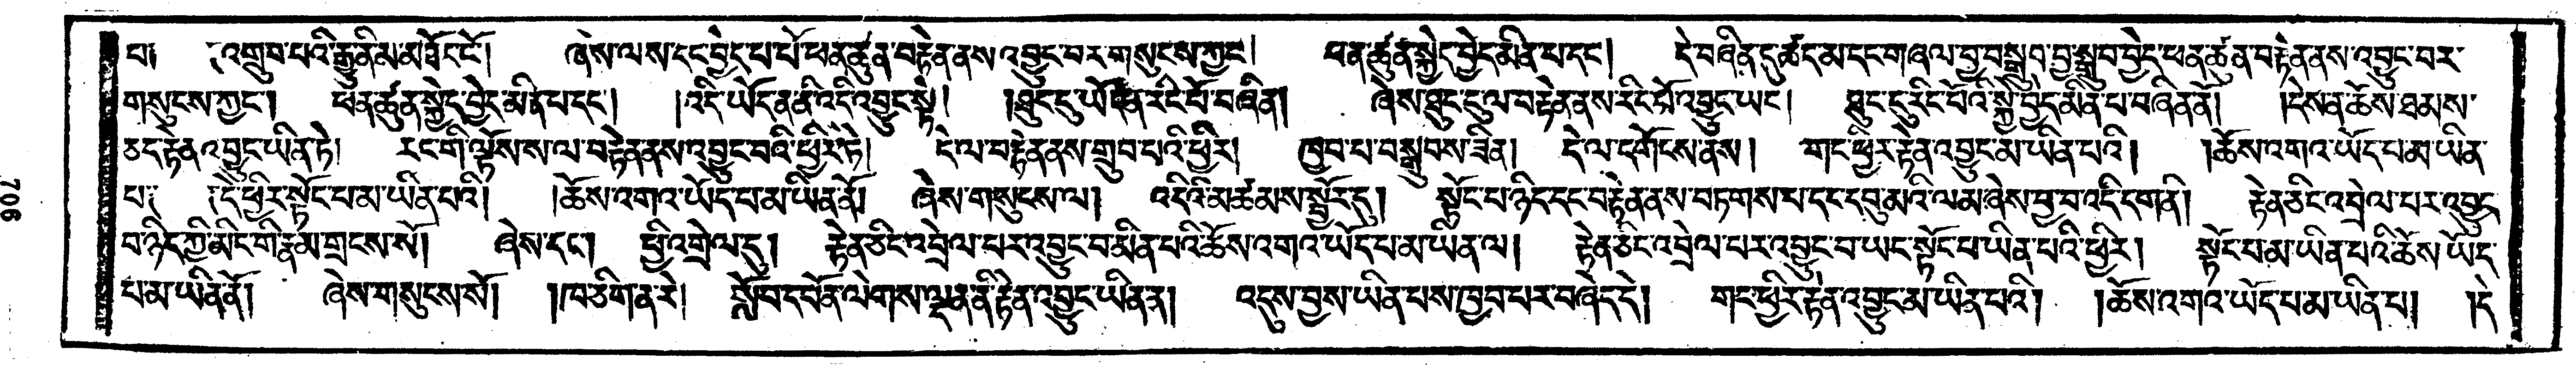པ༑ ༑འགྲུབ་པའི་རྒྱུ་ནི་མ་མཐོང་ངོ། ཞེས་ལས་དང་བྱེད་པ་པོ་ཕན་ཚུན་བརྟེན་ནས་འབྱུང་བར་གསུངས་ཀྱང་། ཕན་ཚུན་སྐྱེད་བྱེད་མིན་པ་དང་། དེ་བཞིན་དུ་ཚད་མ་དང་གཞལ་བྱ་བསྒྲུབ་བྱ་སྒྲུབ་བྱེད་ཕན་ཚུན་བརྟེན་ནས་འབྱུང་བར་
གསུངས་ཀྱང་། ཕན་ཚུན་སྐྱེད་བྱེད་མིན་པ་དང་། །འདི་ཡོད་ན་ནི་འདི་འབྱུང་སྟེ། །ཐུང་དུ་ཡོད་ན་རིང་པོ་བཞིན། ཞེས་ཐུང་དུ་ལ་བརྟེན་ནས་རིང་པོ་འབྱུང་ཡང་། ཐུང་དུ་རིང་པོའི་སྐྱེ་བྱེད་མིན་པ་བཞིན་ནོ། །དེས་ན་ཆོས་ཐམས་
ཅད་རྟེན་འབྱུང་ཡིན་ཏེ། རང་གི་ལྟོས་ས་ལ་བརྟེན་ནས་འབྱུང་བའི་ཕྱིར་ཏེ། དེ་ལ་བརྟེན་ནས་གྲུབ་པའི་ཕྱིར། ཁྱབ་པ་བསྒྲུབས་ཟིན། དེ་ལ་དགོངས་ནས། གང་ཕྱིར་རྟེན་འབྱུང་མ་ཡིན་པའི། །ཆོས་འགའ་ཡོད་པ་མ་ཡིན་
པ༑ ༑དེ་ཕྱིར་སྟོང་པ་མ་ཡིན་པའི། །ཆོས་འགའ་ཡོད་པ་མ་ཡིན་ནོ། ཞེས་གསུངས་ལ། འདིའི་མཚམས་སྦྱོར་དུ། སྟོང་པ་ཉིད་དང་བརྟེན་ནས་བཏགས་པ་དང་དབུ་མའི་ལམ་ཞེས་བྱ་བ་འདི་དག་ནི། རྟེན་ཅིང་འབྲེལ་པར་འབྱུང་
བ་ཉིད་ཀྱི་མིང་གི་རྣམ་གྲངས་སོ། ཞེས་དང་། ཕྱི་འགྲེལ་དུ། རྟེན་ཅིང་འབྲེལ་པར་འབྱུང་བ་མིན་པའི་ཆོས་འགའ་ཡོད་པ་མ་ཡིན་ལ། རྟེན་ཅིང་འབྲེལ་པར་འབྱུང་བ་ཡང་སྟོང་པ་ཡིན་པའི་ཕྱིར། སྟོང་པ་མ་ཡིན་པའི་ཆོས་ཡོད་
པ་མ་ཡིན་ནོ། ཞེས་གསུངས་སོ། །ཁ་ཅིག་ན་རེ། སློབ་དཔོན་ལེགས་ལྡན་ནི་རྟེན་འབྱུང་ཡིན་ན། འདུས་བྱས་ཡིན་པས་ཁྱབ་པར་བཞེད་དེ། གང་ཕྱིར་རྟེན་འབྱུང་མ་ཡིན་པའི། །ཆོས་འགའ་ཡོད་པ་མ་ཡིན་པ། །དེ་